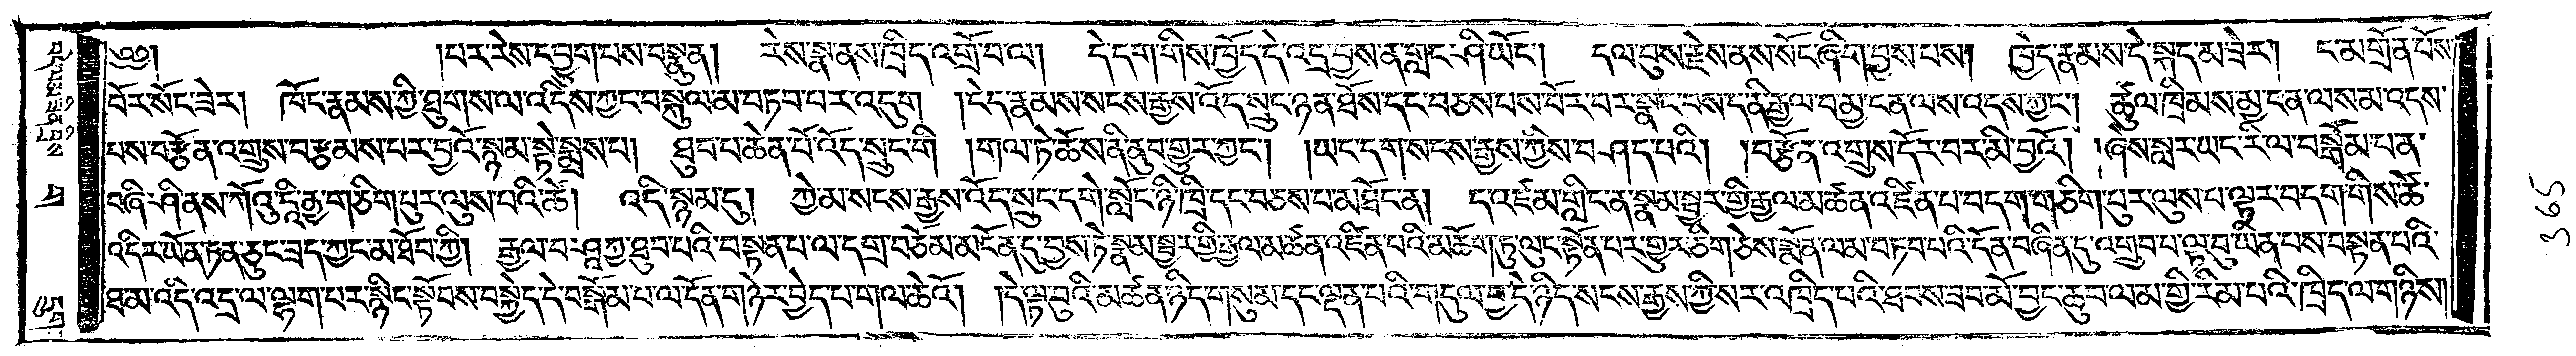༄༅། །པར་རེས་དབྱུག་པས་བསྣུན། རེས་སྣ་ནས་ཁྲིད་འགྲོ་བ་ལ། དེ་དག་གིས་ཁྱོད་དེ་འདྲ་བྱས་ན་གླང་ཤི་ཡོང་། དལ་བུས་རྗེས་ནས་སོང་ཞིག་བྱས་པས། ཁྱེད་རྣམས་དེ་སྐད་མ་ཟེར། ང་མགྲོན་པོས་
བོར་སོང་ཟེར། ཁོང་རྣམས་ཀྱི་ཐུགས་ལ་འདིས་ཀྱང་བསྐུལ་མ་བཏབ་བར་འདུག །ངེད་རྣམས་སངས་རྒྱས་འོད་སྲུང་ཉན་ཐོས་དང་བཅས་པས་བོར་བར་སྣང་བས་ད་ནི་རྒྱལ་བ་མྱ་ངན་ལས་འདས་ཀྱང་། ཚུལ་ཁྲིམས་མྱ་ངན་ལས་མ་འདས་
པས་བརྩོན་འགྲུས་བརྩམས་པར་བྱའོ་སྙམ་སྟེ་སྨྲས་པ། ཐུབ་པ་ཆེན་པོ་འོད་སྲུང་གི །གལ་ཏེ་ཆོས་ནི་ནུབ་གྱུར་ཀྱང་། །ཡང་དག་སངས་རྒྱས་ཀྱིས་བཤད་པའི། །བརྩོན་འགྲུས་དོར་བར་མི་བྱའོ། །ཞེས་སླར་ཡང་རིལ་བསྒོམ་པ་ན་
བཞི་ཤི་ནས་ཀོའུ་དཱི་ནྱ་གཅིག་པུར་ལུས་པའི་ཚེ། འདི་སྙམ་དུ། ཀྱེ་མ་སངས་རྒྱས་འོད་སྲུང་དགེ་སློང་ཉི་ཁྲི་དང་བཅས་པ་མཐོང་ན། ད་འཛམ་གླིང་ན་སྣམ་སྦྱར་གྱི་རྒྱལ་མཚན་འཛིན་པ་བདག་གཅིག་པུར་ལུས་པ་ལྟར་བདག་གིས་ཚེ་
འདིར་ཡོན་ཏན་ཅུང་ཟད་ཀྱང་མ་ཐོབ་ཀྱི། རྒྱལ་བ་ཤཱཀྱ་ཐུབ་པའི་བསྟན་པ་ལ་དགྲ་བཅོམ་མངོན་དུ་བྱས་ཏེ་སྣམ་སྦྱར་གྱི་རྒྱལ་མཚན་འཛིན་པའི་མཆོག་ཏུ་ལུང་སྟོན་པར་གྱུར་ཅིག་ཅེས་སྨོན་ལམ་བཏབ་པའི་དོན་བཞིན་དུ་འགྲུབ་པ་ལྟ་བུ་ཡིན་པས་བསྟན་པའི་
ཐ་མ་འདི་འདྲ་ལ་ལྷག་པར་སྙིང་སྟོབས་བསྐྱེད་དེ་བསྒོམ་པ་ལ་དོན་གཉེར་བྱེད་པ་གལ་ཆེའོ། །དེ་ལྟ་བུའི་མཚན་ཉིད་གསུམ་དང་ལྡན་པའི་གདུལ་བྱ་དེ་ཉིད་སངས་རྒྱས་ཀྱི་སར་འཁྲིད་པའི་ཐབས་ཟབ་མོ་བྱང་ཆུབ་ལམ་གྱི་རིམ་པའི་ཁྲིད་ལ་གཉིས།